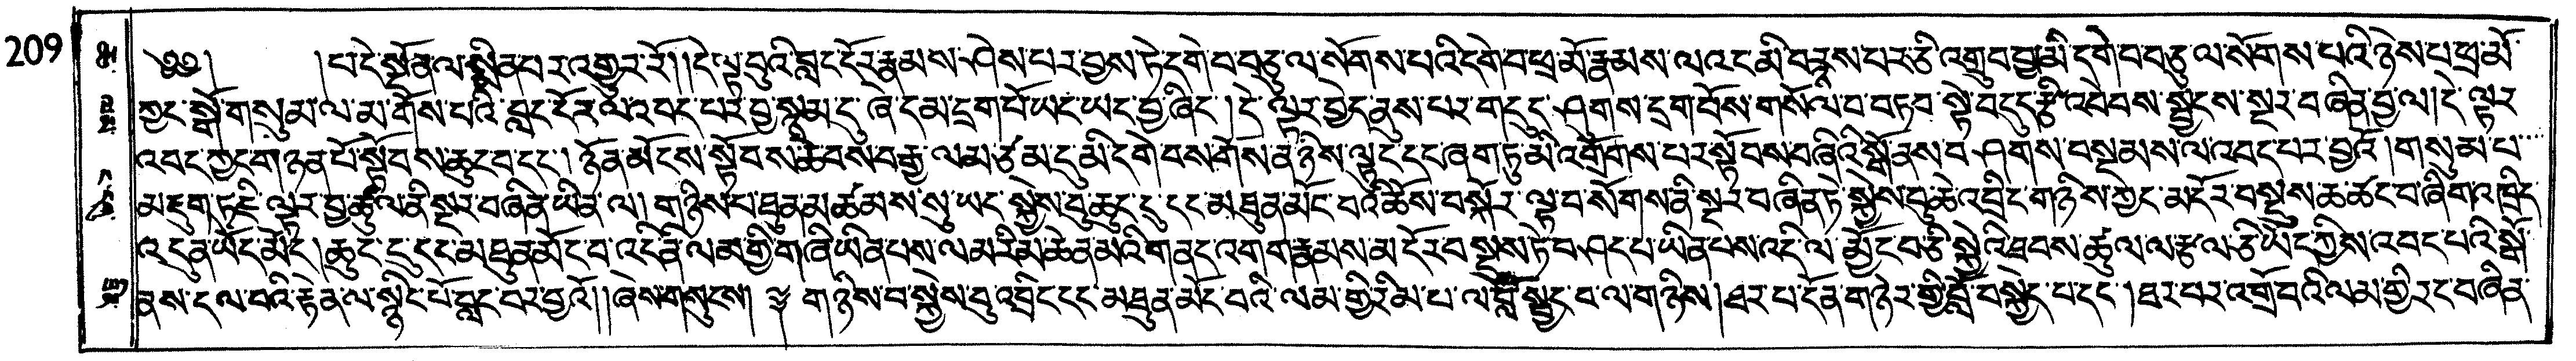༄༅། །པ་དེ་སྔོན་ལ་སྨིན་པར་འགྱུར་རོ། །དེ་ལྟ་བུའི་བླང་དོར་རྣམས་ཤེས་པར་བྱས་ཏེ་དགེ་བ་བཅུ་ལ་སོགས་པའི་དགེ་བ་ཕྲ་མོ་རྣམས་ལའང་མི་བརྙས་པར་ཅི་འགྲུབ་བྱ་མི་དགེ་བ་བཅུ་ལ་སོགས་པའི་ཉེས་པ་ཕྲ་མོ་
ཀྱང་སྒོ་གསུམ་ལ་མ་གོས་པའི་བླང་དོར་ལ་འབད་པར་བྱ་སྙམ་དུ་ཞེ་དམ་དྲག་པོ་ཡང་ཡང་བྱ་ཞིང་། དེ་ལྟར་བྱེད་ནུས་པར་གདུང་ཤུགས་དྲག་པོས་གསོལ་བ་བཏབ་སྟེ་བདུད་རྩི་འབེབས་སྦྱངས་སྔར་བཞིན་བྱ་ལ། དེ་ལྟར་
འབད་ཀྱང་གཉན་པོ་སྟོབས་ཆུང་བ་དང་། ཉོན་མོངས་སྟོབས་ཆེ་བས་བརྒྱ་ལམ་ཙམ་དུ་མི་དགེ་བས་གོས་ན་ཉིས་ལྟུང་དང་ཞག་ཏུ་མི་འགྲོགས་པར་སྟོབས་བཞིའི་སྒོ་ནས་བཤགས་བསྡམས་ལ་འབད་པར་བྱའོ། གསུམ་པ་
མཇུག་ཏུ་ཇི་ལྟར་བྱ་ཚུལ་ནི་སྔར་བཞིན་ཡིན་ལ། གཉིས་པ་ཐུན་མཚམས་སུ་ཡང་སྐྱེས་བུ་ཆུང་ངུ་དང་མཐུན་མོང་བའི་ཆོས་བསྐོར་ལྟ་བ་སོགས་ནི་སྔར་བཞིན་ཏེ་སྐྱེས་བུ་ཆེ་འབྲིང་གཉིས་ཀྱང་མདོར་བསྡུས་ཆ་ཚང་བ་ཞིག་འཁྲིད་
འདུན་ཡོད་མེད། ཆུང་ངུ་དང་མཐུན་མོང་བ་འདི་ནི་ལམ་གྱི་གཞི་ཡིན་པས་ལམ་རིམ་ཆེན་མའི་གནད་འགག་རྣམས་མདོར་བསྡུས་ཏེ་བཤད་པ་ཡིན་པས་འདི་ལ་མྱོང་བ་ཅི་སྐྱེའི་ཐབས་ཚུལ་ལ་རྩལ་ཅི་ཡོད་ཀྱིས་འབད་པའི་སྒོ་
ནས་དལ་བའི་རྟེན་ལ་སྙིང་པོ་བླང་བར་བྱའོ། །ཞེས་གསུངས། ༈ གཉིས་པ་སྐྱེས་བུ་འབྲིང་དང་མཐུན་མོང་བའི་ལམ་གྱི་རིམ་པ་ལ་བློ་སྦྱང་བ་ལ་གཉིས། ཐར་པ་དོན་གཉེར་གྱི་བློ་བསྐྱེད་པ་དང་། ཐར་པར་འགྲོ་བའི་ལམ་གྱི་རང་བཞིན་